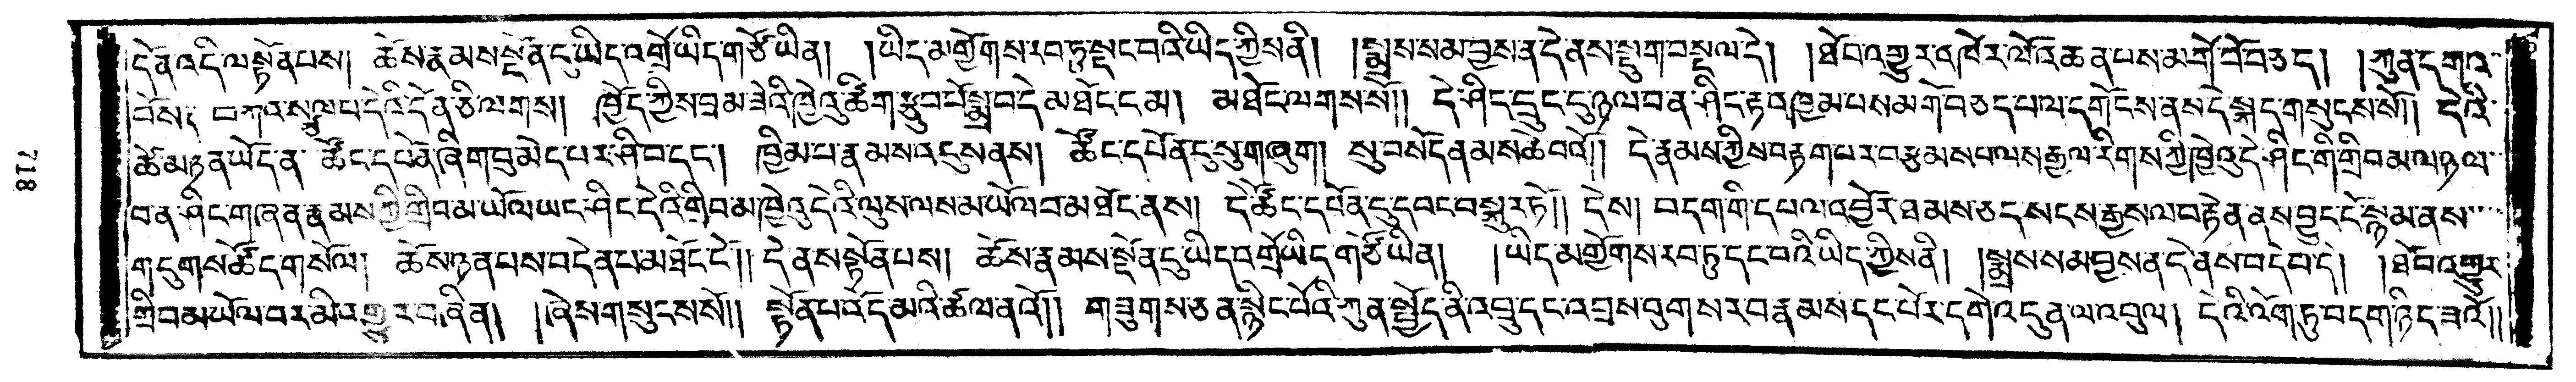དོན་དཱི་ལ་སྟོན་པས། ཆོས་རྣམས་སྔོན་དུ་ཡིད་འགྲོ་ཡིད་གཙོ་ཡིན། །ཡིད་མགྱོགས་རབ་ཏུ་སྡང་བའི་ཡིད་ཀྱིས་ནི། །སྨྲས་སམ་བྱས་ན་དེ་ནས་སྡུག་བསྔལ་དེ། །ཐོབ་འགྱུར་འཁོར་ལོ་འཆན་པས་མགོ་བོ་བཅད། །ཀུན་དགའ་
བོས༑ བཀའ་སྩལ་པ་དེའི་དོན་ཅི་ལགས། ཁྱོད་ཀྱིས་བྲམ་ཟེའི་ཁྱེའུ་ཚིག་རྩུབ་པོ་སྨྲ་བ་དེ་མཐོང་ངམ། མཐོང་ལགས་སོ།། དེ་ཤིང་དྲུང་དུ་ཉལ་བ་ན་ཤིང་རྟ་འཁྱམ་པས་མགོ་བཅད་པ་ལ་དགོངས་ནས་དེ་སྐད་གསུངས་སོ།། དེའི་
ཚེ་མཉན་ཡོད་ན་ཚོང་དཔོན་ཞིག་བུ་མེད་པར་ཤི་བ་དང་། ཁྱིམ་པ་རྣམས་འདུས་ནས། ཚོང་དཔོན་དུ་སུ་གཞུག། སུ་བསོད་ནམས་ཆེ་བའོ།། དེ་རྣམས་ཀྱིས་བརྟག་པར་བརྩམས་པ་ལས་རྒྱལ་རིགས་ཀྱི་ཁྱེའུ་དེ་ཤིང་གི་གྲིབ་མ་ལ་ཉལ་
བ་ན་ཤིང་གཞན་རྣམས་ཀྱི་གྲིབ་མ་ཡོལ་ཡང་ཤིང་དེའི་གྲིབ་མ་ཁྱེའུ་དེའི་ལུས་ལས་མ་ཡོལ་བ་མཐོང་ནས། དེ་ཚོང་དཔོན་དུ་དབང་བསྐུར་ཏོ།། དེས། བདག་གི་དཔལ་འབྱོར་ཐམས་ཅད་སངས་རྒྱས་ལ་བརྟེན་ནས་བྱུང་ངོ་སྙམ་ནས་
གདུགས་ཚོད་གསོལ། ཆོས་ཉན་པས་བདེན་པ་མཐོང་ངོ།། དེ་ནས་སྟོན་པས། ཆོས་རྣམས་སྔོན་དུ་ཡིད་འགྲོ་ཡི་གཙོ་ཡིན། །ཡིད་མགྱོགས་རབ་ཏུ་དང་བའི་ཡིད་ཀྱིས་ནི། །སྨྲས་སམ་བྱས་ན་དེ་ནས་བདེ་བ་དེ། །ཐོབ་འགྱུར་
གྲིབ་མ་ཡོལ་བར་མི་འགྱུར་བཞིན། །ཞེས་གསུངས་སོ།། སྟོན་པ་འོད་མའི་ཚལ་ནའོ།། གཟུགས་ན་སྙིང་པོའི་ཀུན་སྤྱོད་ནི་འབྲུ་དང་འབྲས་བུ་གསར་བ་རྣམས་དང་པོར་དགེ་འདུན་ལ་འབུལ། དེའི་འོག་ཏུ་བདག་ཉིད་ཟའོ།།